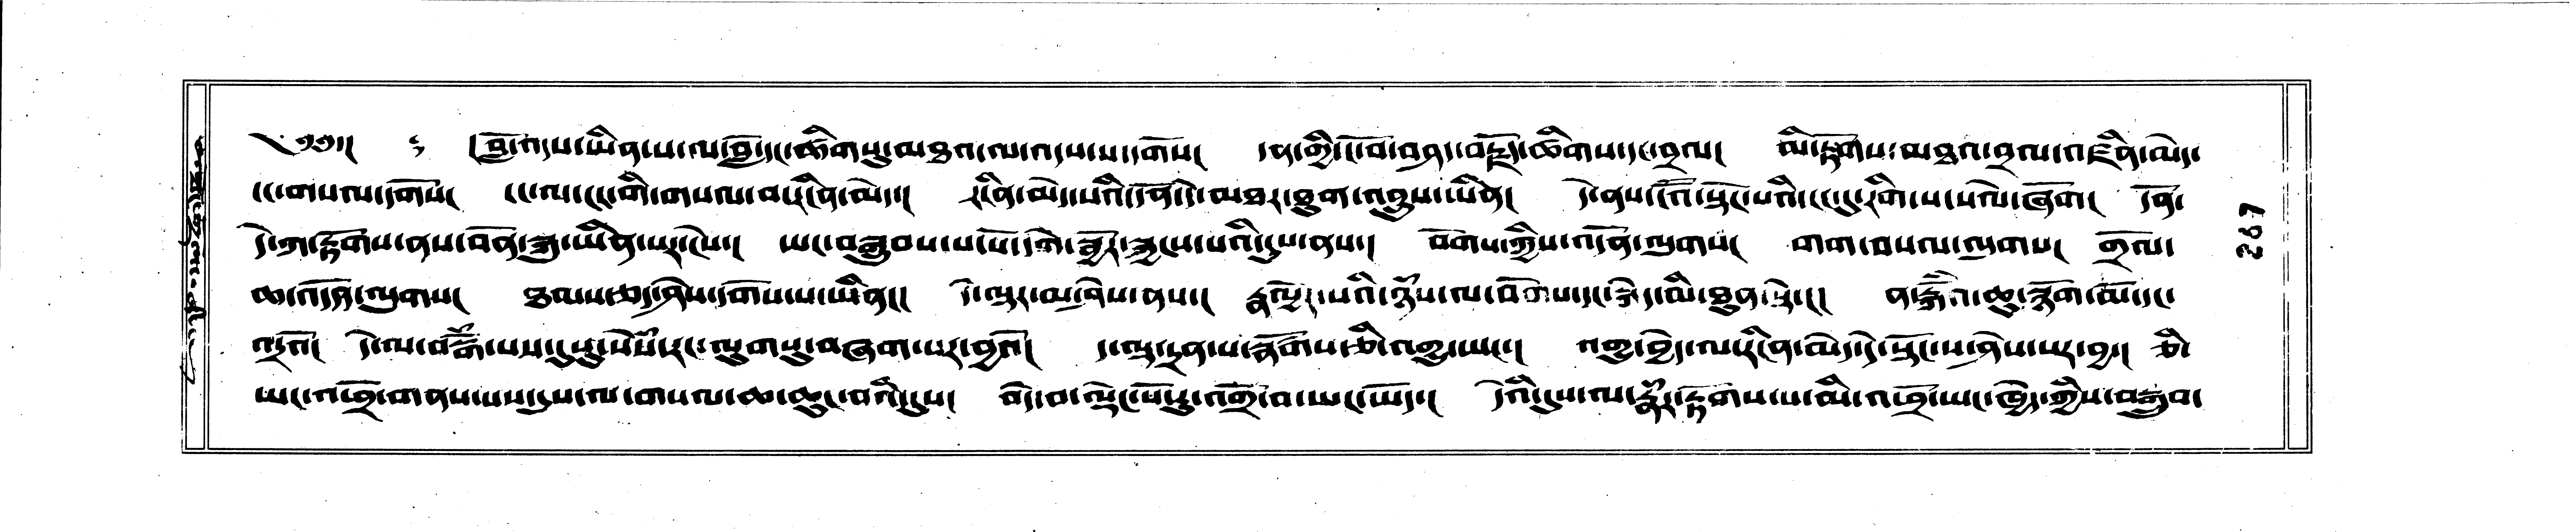འདས་ཡིན་པ་ལ། བློ་དང་ཚིགས་ཀྱི་༼ཚིག་གི་༽མཐའ་ལས་འདས་པ་དགོས། དོན་གྱིས་ངོའོ་བཤད་བརྗོད་ཚིགས་དང་བྲལ། མི་རྟོག་འཛིན་མེད་མཐའ་བྲལ་ངང་གསལ་དགོས། 
ངང་ལས་ངང་གིས་གསལ་ཏེ་རང་བཞིན་མེད། རང་བཞིན་མེད་པའི་དོན་དེ་མཐར་ཐུགས་འབྲས་བུ་ཡིན། དེ་ནས་ངོའོ་སྟོང་པའི་ངང་དུ་རིག་པ་སལེ་ཞོག དོན་
དེ་ཀ་རྟོགས་ན་བོན་སྐུ་ཡིན་པར་ངེས། ཡང་བསྒྲུབ་པོས་དགེ་སྦྱོར་སྐྱོངས་པའི་དུས་ལ། བོགས་ཀྱིས་འདོན་ལུགས། གགས་ཀྱིས་བསལ་ལུགས། གྲོལ་
ཆ་སྟོན་ལུགས་ཐམས་ཅད་ཤེས་དགོས་པ་ཡིན། དེ་ལྟར་མི་ཤེས་ན། རྣལ་འབྱོར་ཀྱིས་ཉམས་ལ་བོག་དང་སྐྱེད་མི་ཐོན་ཏེ། ན་ཀོང་གིས་ཆུ་སྙོག་མོ་དང་
འདྲའོ། དེ་ལ་སྒོམས་པའི་དུས་སུ་སེམས་རང་ལུགས་སུ་བཞག་པར་བྱའོ། དེ་ལ་དྲན་པ་སྣ་ཚོགས་ཅི་འཇུ་ཡང་། འགྱུ་མཁན་ལ་རང་བཞིན་མེད་དེ་སྟོང་པར་ཤེས་པར་བྱ། ཅི་
ཡང་མི་འཕྲོ་གནས་པའི་དུས་ལ་གསལ་ཆ་ཆུང་སྟེ། བདེ་བ་རྡེང་པོ་རུ་འགྲོ་བ་ཡང་ཡོད། དེའི་དུས་ལ། རྣམ་པར་རྟོག་པ་མ་འཕྲོ་ཡང་ཆད་༼ཆེད༽ཀྱིས་བསྒྲུབ་